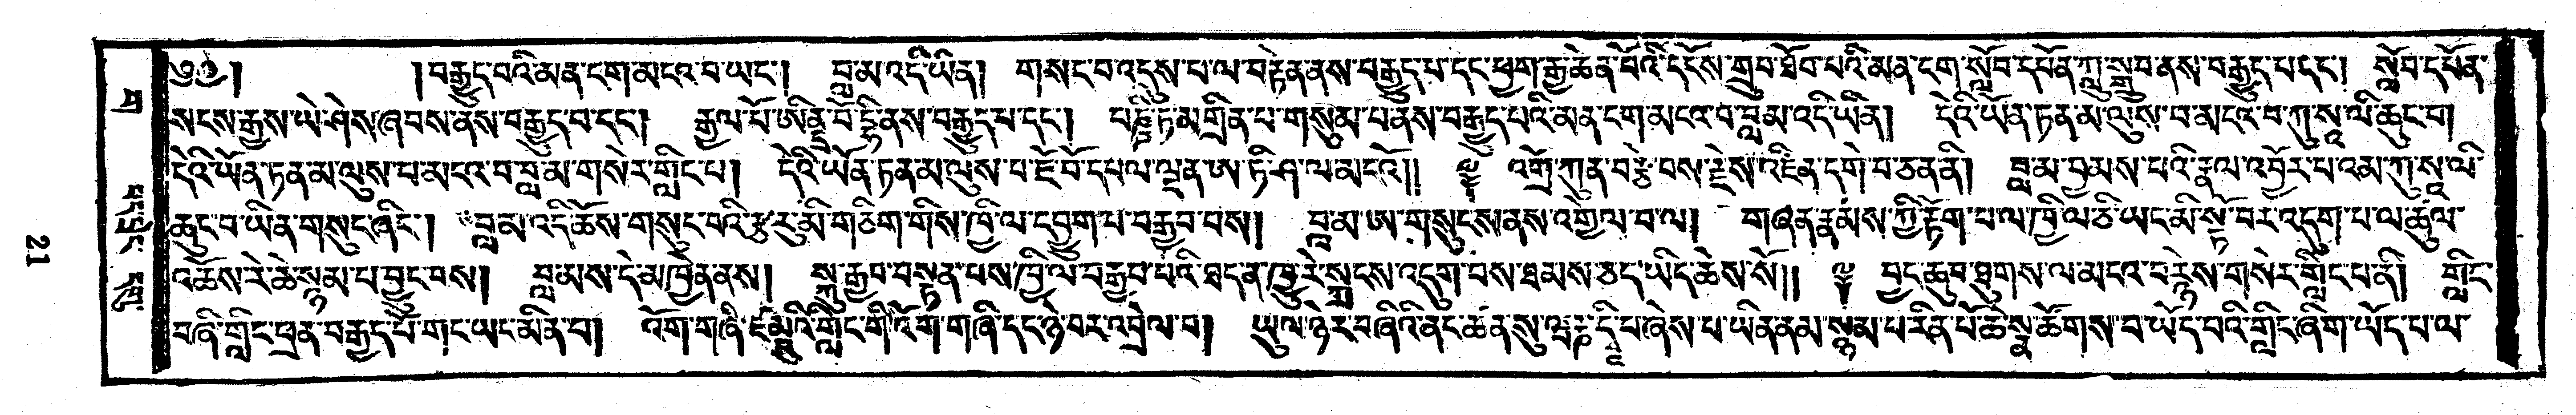༄༅། །བརྒྱུད་པའི་མན་ངག་མངའ་བ་ཡང་། བླ་མ་འདི་ཡིན། གསང་བ་འདུས་པ་ལ་བརྟེན་ནས་བརྒྱུད་པ་དང་ཕྱག་རྒྱ་ཆེན་པོའི་དངོས་གྲུབ་ཐོབ་པའི་མན་ངག་སློབ་དཔོན་ཀླུ་སྒྲུབ་ནས་བརྒྱུད་པ་དང་། སློབ་དཔོན་
སངས་རྒྱས་ཡེ་ཤེས་ཞབས་ནས་བརྒྱུད་པ་དང་། རྒྱལ་པོ་ཨིནྡྲ་བོ་དྷི་ནས་བརྒྱུད་པ་དང་། པཎྜི་ཏ་མགྲིན་པ་གསུམ་པ་ནས་བརྒྱུད་པའི་མན་ངག་མངའ་བ་བླ་མ་འདི་ཡིན། དེའི་ཡོན་ཏན་མ་ལུས་བ་མངའ་བ་ཀུ་སཱ་ལི་ཆུང་བ།
དེའི་ཡོན་ཏན་མ་ལུས་པ་མངའ་བ་བླ་མ་གསེར་གླིང་པ། དེའི་ཡོན་ཏན་མ་ལུས་པ་ཇོ་བོ་དཔལ་ལྡན་ཨ་ཏི་ཤ་ལ་མངའོ།། ༈ འགྲོ་ཀུན་བརྩེ་བས་རྗེས་འཛིན་དགེ་བ་ཅན་ནི། བླ་མ་བྱམས་པའི་རྣལ་འབྱོར་པའམ་ཀུ་སཱ་ལི་
ཆུང་བ་ཡིན་གསུང་ཞིང་། བླ་མ་འདི་ཆོས་གསུང་བའི་རྩ་རུ་མི་གཅིག་གིས་ཁྱི་ལ་དབྱུག་པ་བརྒྱབ་པས། བླ་མ་ཨ་གསུངས་ནས་འགྱེལ་བ་ལ། གཞན་རྣམས་ཀྱི་རྟོག་པ་ལ་ཁྱི་ལ་ཅི་ཡང་མི་སྟོ་བར་འདུག་པ་ལ་ཚུལ་
འཆོས་རེ་ཆེ་སྙམ་པ་བྱུང་བས། བླ་མས་དེ་མཁྱེན་ནས། སྐུ་རྒྱབ་བསྟན་པས་ཁྱི་ལ་བརྒྱབ་པའི་ཐད་ན་ཁྱུ་རེ་སྐྲངས་འདུག་བས་ཐམས་ཅད་ཡིད་ཆེས་སོ།། ༈ བྱང་ཆུབ་ཐུགས་ལ་མངའ་བརྙེས་གསེར་གླིང་པ་ནི། གླིང་
བཞི་གླིང་ཕྲན་བརྒྱད་པོ་གང་ཡང་མིན་པ། འོག་གཞི་ཛམྦུའི་གླིང་གི་འོག་གཞི་དང་ཉེ་བར་འབྲེལ་བ། ཡུལ་ཉེར་བཞིའི་ནང་ཚན་སུ་ཝརྞ་དྭཱི་པ་ཞེས་པ་ཡིན་ནམ་སྙམ་པ་རིན་པོ་ཆེ་སྣ་ཚོགས་པ་ཡོད་པའི་གླིང་ཞིག་ཡོད་པ་ལ་